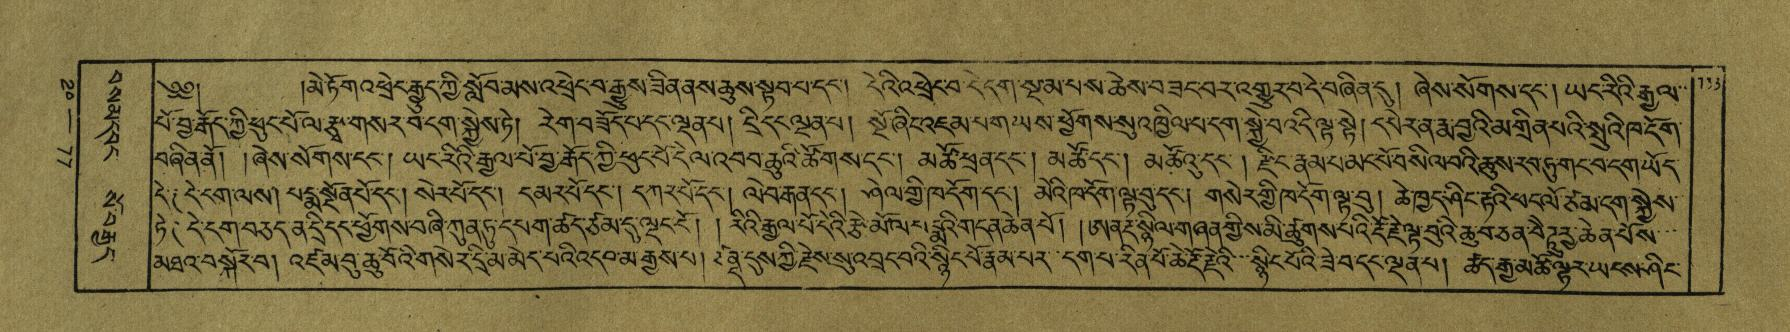༄༅། །མེ་ཏོག་འཕྲེང་རྒྱུད་ཀྱི་སློབ་མས་འཕྲེང་བ་རྒྱུས་ཟིན་ནས་ཆུས་སྟབ་པ་དང་། དེའི་འཕྲེང་བ་དེ་དག་སྔ་མ་པས་ཆེས་བཟང་བར་འགྱུར་བ་དེ་བཞིན་དུ། ཞེས་སོགས་དང་། ཡང་རིའི་རྒྱལ་
པོ་བྱ་རྒོད་ཀྱི་ཕུང་པོ་ལ་རྩྭ་གསར་བ་དག་སྐྱེས་ཏེ། རེག་བཟོད་པ་དང་ལྡན་པ། དྲི་དང་ལྡན་པ། སྔོ་ཞིང་འཇམ་པ་གཡས་ཕྱོགས་སུ་འཁྱིལ་པ་དག་སྐྱེ་བ་འདི་ལྟ་སྟེ། དཔེར་ན་རྨ་བྱའི་མགྲིན་པའི་སྤུའི་ཁ་དོག་
བཞིན་ནོ། །ཞེས་སོགས་དང་། ཡང་རིའི་རྒྱལ་པོ་བྱ་རྒོད་ཀྱི་ཕུང་པོ་དེ་ལ་འབབ་ཆུའི་ཚོགས་དང་། མཚོ་ཕྲན་དང་། མཚོ་དང་། མཚོའུ་དང་། རྫིང་རྣམ་པ་མང་པོ་བསིལ་བའི་ཆུས་རབ་ཏུ་གང་བ་དག་ཡོད་
དེ༑ དེ་དག་ལས། པདམ་སྔོན་པོ་དང་། སེར་པོ་དང་། དམར་པོ་དང་། དཀར་པོ་དང་། ལེབ་རྒན་དང་། ཤེལ་གྱི་ཁ་དོག་དང་། མེའི་ཁ་དོག་ལྟ་བུ་དང་། གསེར་གྱི་ཁ་དོག་ལྟ་བུ། ཆེ་ཁྱད་ཤིང་རྟའི་ཕང་ལོ་ཙམ་དག་སྐྱེས་
ཏེ༑ དེ་དག་བཅད་ན་དྲི་དང་ཕྱོགས་བཞི་ཀུན་ཏུ་དཔག་ཚད་ཙམ་དུ་ལྡང་ངོ། །རིའི་རྒྱལ་པོ་དེའི་རྩེ་མོ་ལ་པདམའི་གདན་ཆེན་པོ། །ཨ་ན་རྡ་སྙིལ་གཞན་གྱིས་མི་ཚུགས་པའི་རྡོ་རྗེ་ལྟ་བུའི་ཆུ་བ་ཅན་བཻཌཱུརྱ་ཆེན་པོས་
མཐའ་བསྐོར་བ། འཛམ་བུ་ཆུ་བོའི་གསེར་དྲི་མ་མེད་པའི་འདབ་མ་རྒྱས་པ། ཙནྡ་དུས་ཀྱི་རྗེས་སུ་འབྲང་བའི་སྙིང་པོ་རྣམ་པར་དག་པ་རིན་པོ་ཆེ་རྡོ་རྗེའི་སྙིང་པོའི་ཟེ་བ་དང་ལྡན་པ། ཚད་རྒྱ་མཚོ་ལྟར་ཡངས་ཤིང་